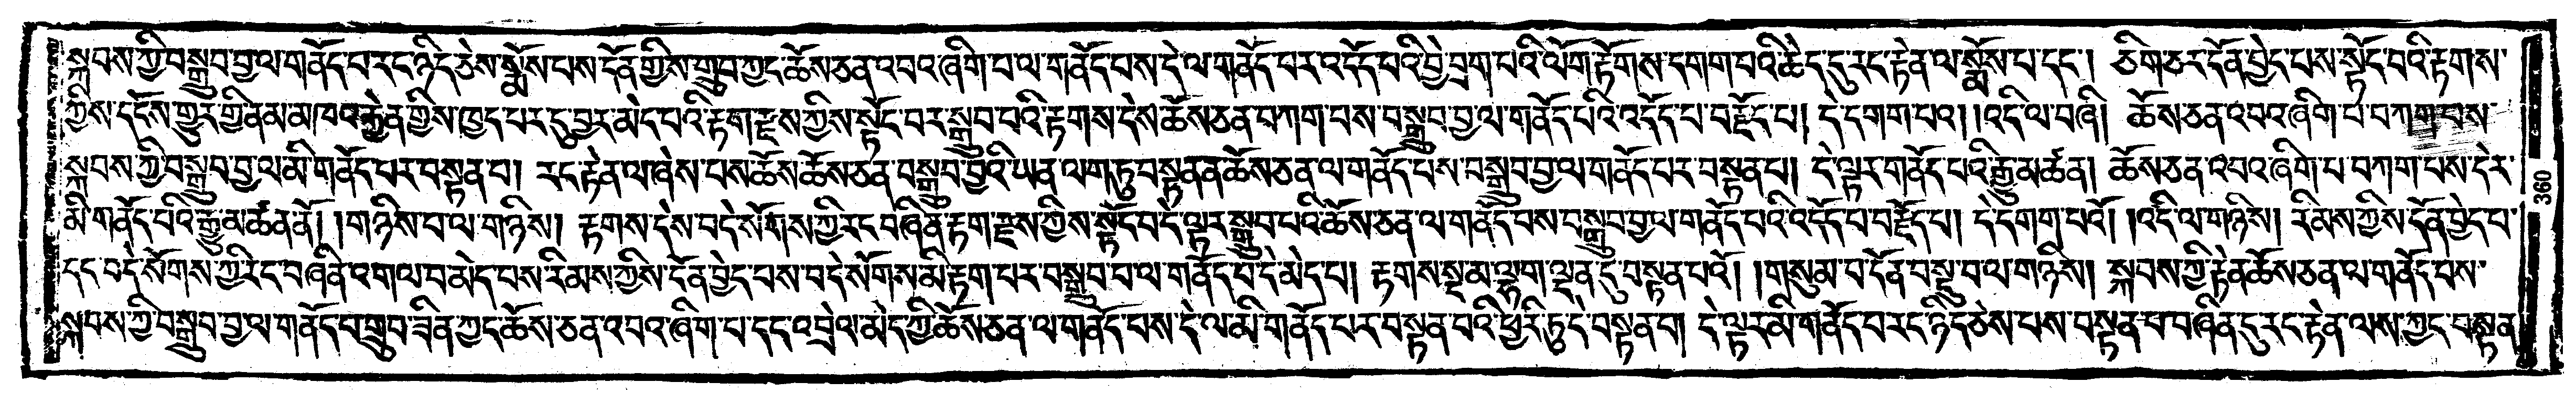སྐབས་ཀྱི་བསྒྲུབ་བྱ་ལ་གནོད་པ་རང་ཉིད་ཅེས་སྨོས་པས་དོན་གྱིས་གྲུབ་ཀྱང་ཆོས་ཅན་འབའ་ཞིག་པ་ལ་གནོད་པས་དེ་ལ་གནོད་པར་འདོད་པའི་བྱེ་བྲག་པའི་ལོག་རྟོགས་དགག་པའི་ཆེད་དུ་རང་རྟེན་ལ་སྨོས་པ་དང་། ཅིག་ཅར་དོན་བྱེད་པས་སྟོང་པའི་རྟགས་
ཀྱིས་དངོས་གྱུར་གྱི་ནམ་མཁའ་རྐྱེན་གྱིས་ཁྱད་པར་དུ་བྱར་མེད་པའི་རྟག་རྫས་ཀྱིས་སྟོང་བར་སྒྲུབ་པའི་རྟགས་དེས་ཆོས་ཅན་བཀག་པས་བསྒྲུབ་བྱ་ལ་གནོད་པའི་འདོད་པ་བརྗོད་པ། དེ་དགག་པའི། །འདི་ལ་བཞི། ཆོས་ཅན་འབའ་ཞིག་པ་བཀག་པས་
སྐབས་ཀྱི་བསྒྲུབ་བྱ་ལ་མི་གནོད་པར་བསྟན་པ། རང་རྟེན་ལ་ཞེས་པས་ཆོས་ཆོས་ཅན་བསྒྲུབ་བྱའི་ཡན་ལག་ཏུ་བསྟན་ན་ཆོས་ཅན་ལ་གནོད་པས་བསྒྲུབ་བྱ་ལ་གནོད་པར་བསྟན་པ། དེ་ལྟར་གནོད་པའི་རྒྱུ་མཚན། ཆོས་ཅན་འབའ་ཞིག་པ་བཀག་པས་དེར་
མི་གནོད་པའི་རྒྱུ་མཚན་ནོ། །གཉིས་པ་ལ་གཉིས། རྟགས་དེས་བདེ་སོགས་ཀྱི་རང་བཞིན་རྟག་རྫས་ཀྱིས་སྟོང་བ་དེ་ལྟར་སྒྲུབ་པའི་ཆོས་ཅན་ལ་གནོད་པས་བསྒྲུབ་བྱ་ལ་གནོད་པའི་འདོད་པ་བརྗོད་པ། དེ་དགག་པའོ། །འདི་ལ་གཉིས། རིམས་ཀྱིས་དོན་བྱེད་པ་
དང་བདེ་སོགས་ཀྱི་རང་བཞིན་འགལ་བ་མེད་པས་རིམས་ཀྱིས་དོན་བྱེད་པས་བདེ་སོགས་མི་རྟག་པར་བསྒྲུབ་པ་ལ་གནོད་པ་དེ་མེད་པ། རྟགས་སྔ་མ་ལྷག་ལྡན་དུ་བསྟན་པའོ། །གསུམ་པ་དོན་བསྡུ་བ་ལ་གཉིས། སྐབས་ཀྱི་རྟེན་ཆོས་ཅན་ལ་གནོད་པས་
སྐབས་ཀྱི་བསྒྲུབ་བྱ་ལ་གནོད་པ་གྲུབ་ཟིན་ཀྱང་ཆོས་ཅན་འབའ་ཞིག་པ་དང་འབྲེལ་མེད་ཀྱི་ཆོས་ཅན་ལ་གནོད་པས་དེ་ལ་མི་གནོད་པར་བསྟན་པའི་ཕྱིར་ཏུ་དེ་བསྟན་པ། དེ་ལྟར་མི་གནོད་པ་རང་ཉིད་ཅེས་པས་བསྟན་པ་བཞིན་དུ་རང་རྟེན་ལས་ཀྱང་བསྟན་